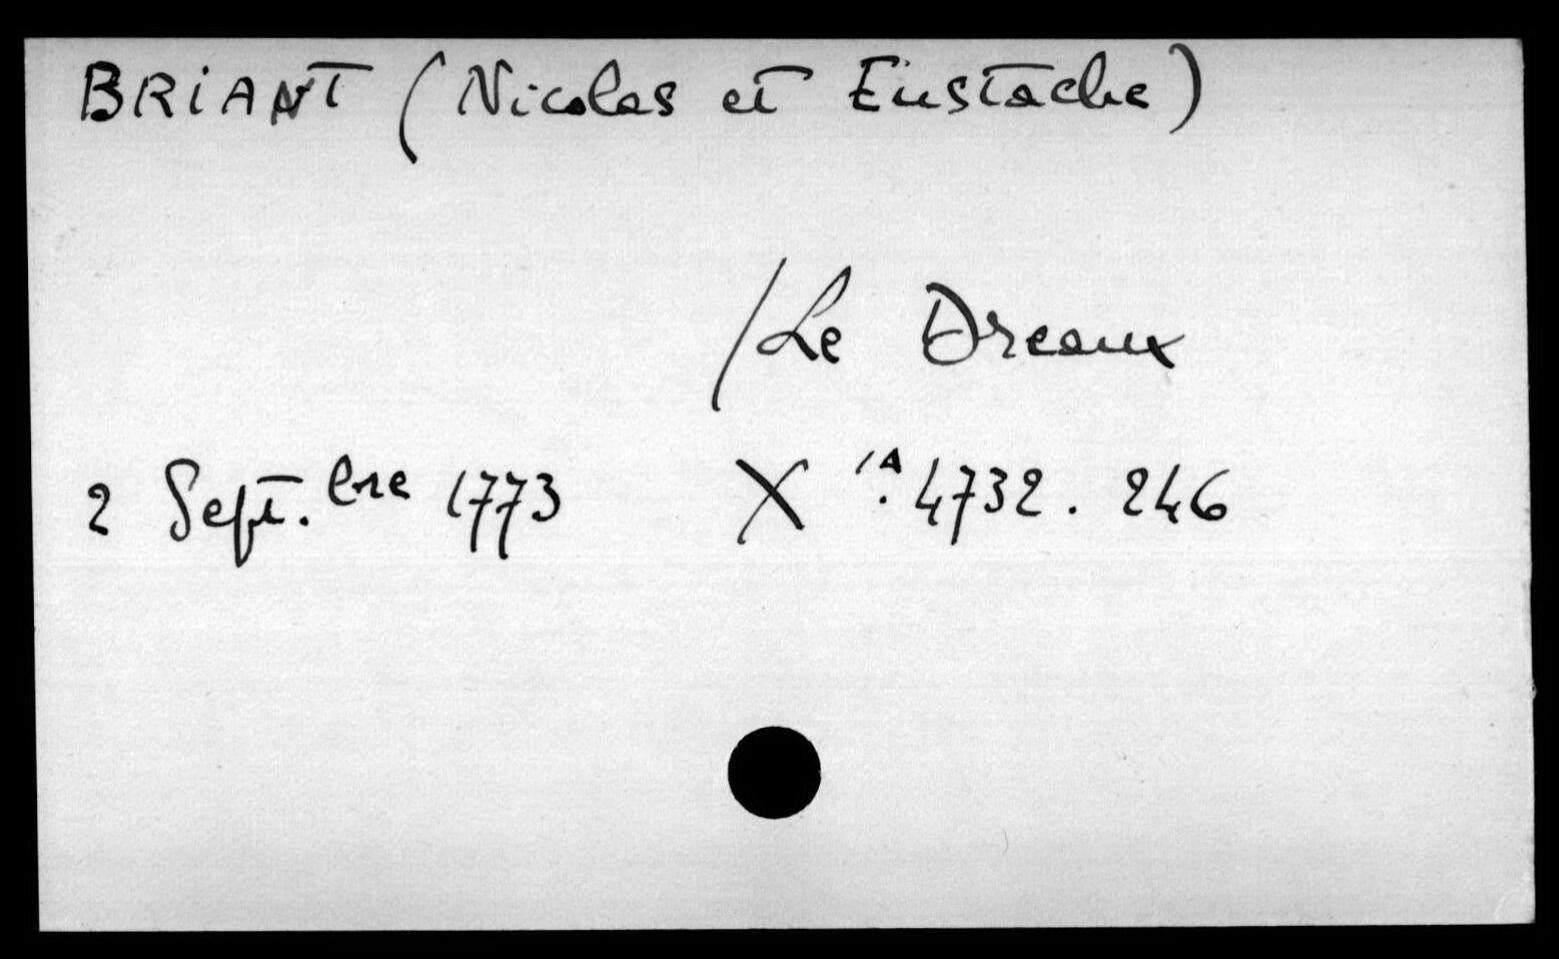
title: BRIANT (Nicolas et Eustache)
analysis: Contre Le Dreaux
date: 2 septembre 1773
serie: X1A
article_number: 4732
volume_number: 246
